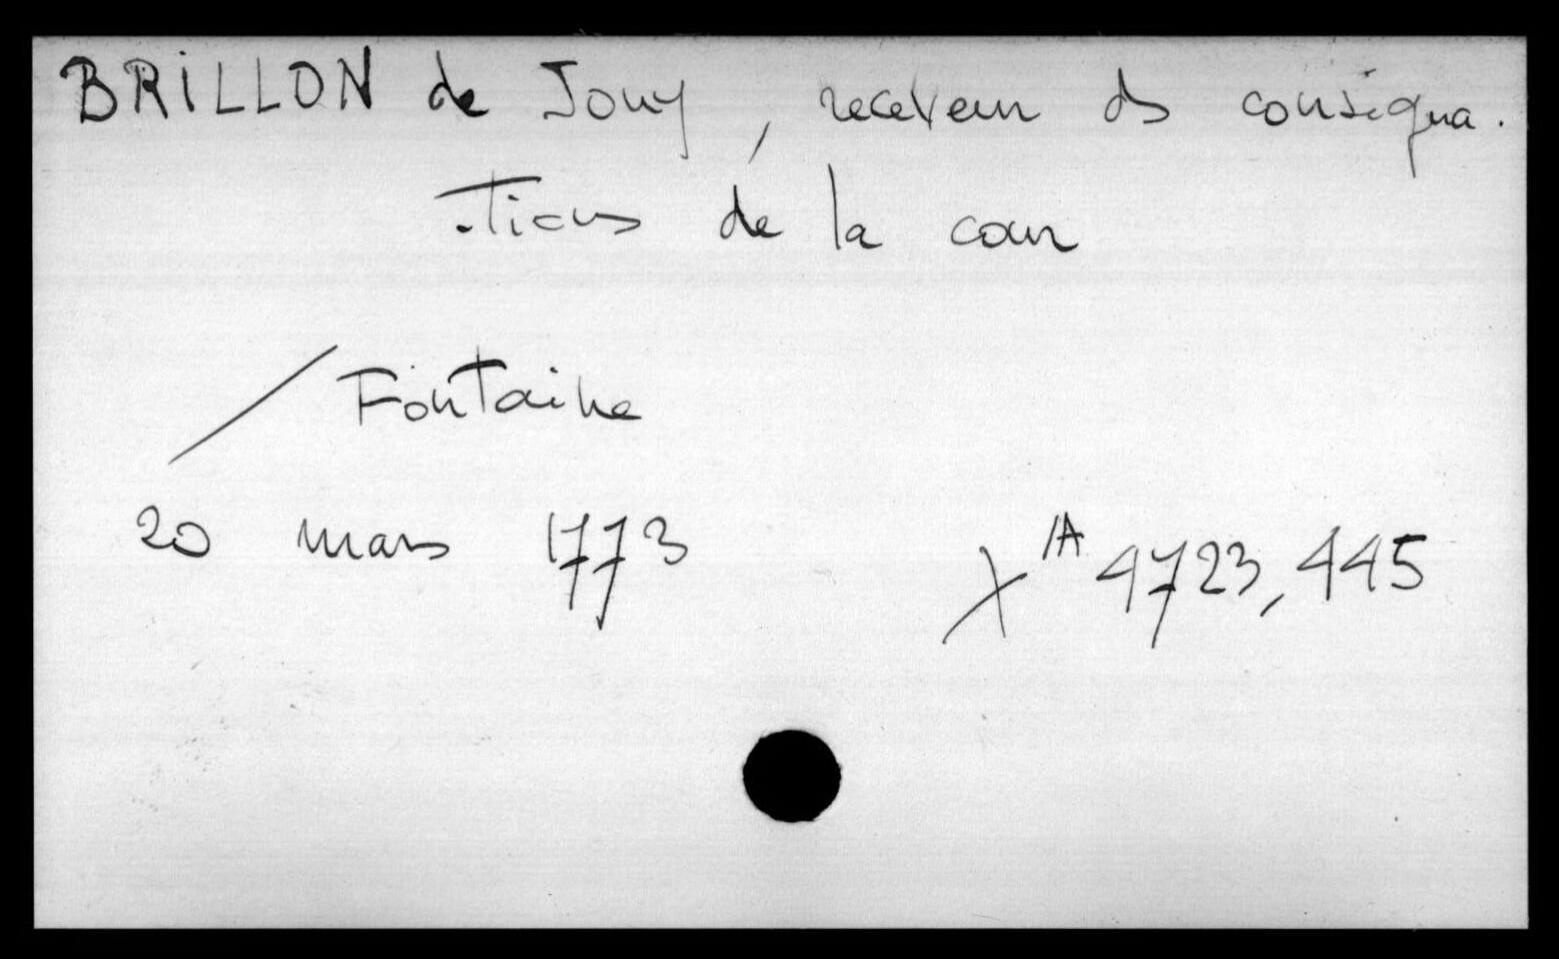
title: BRILLON de Jouy, receveur des consignations de la cour
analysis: Contre Fontaine
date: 20 mars 1773
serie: X1A
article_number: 4723
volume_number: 445
